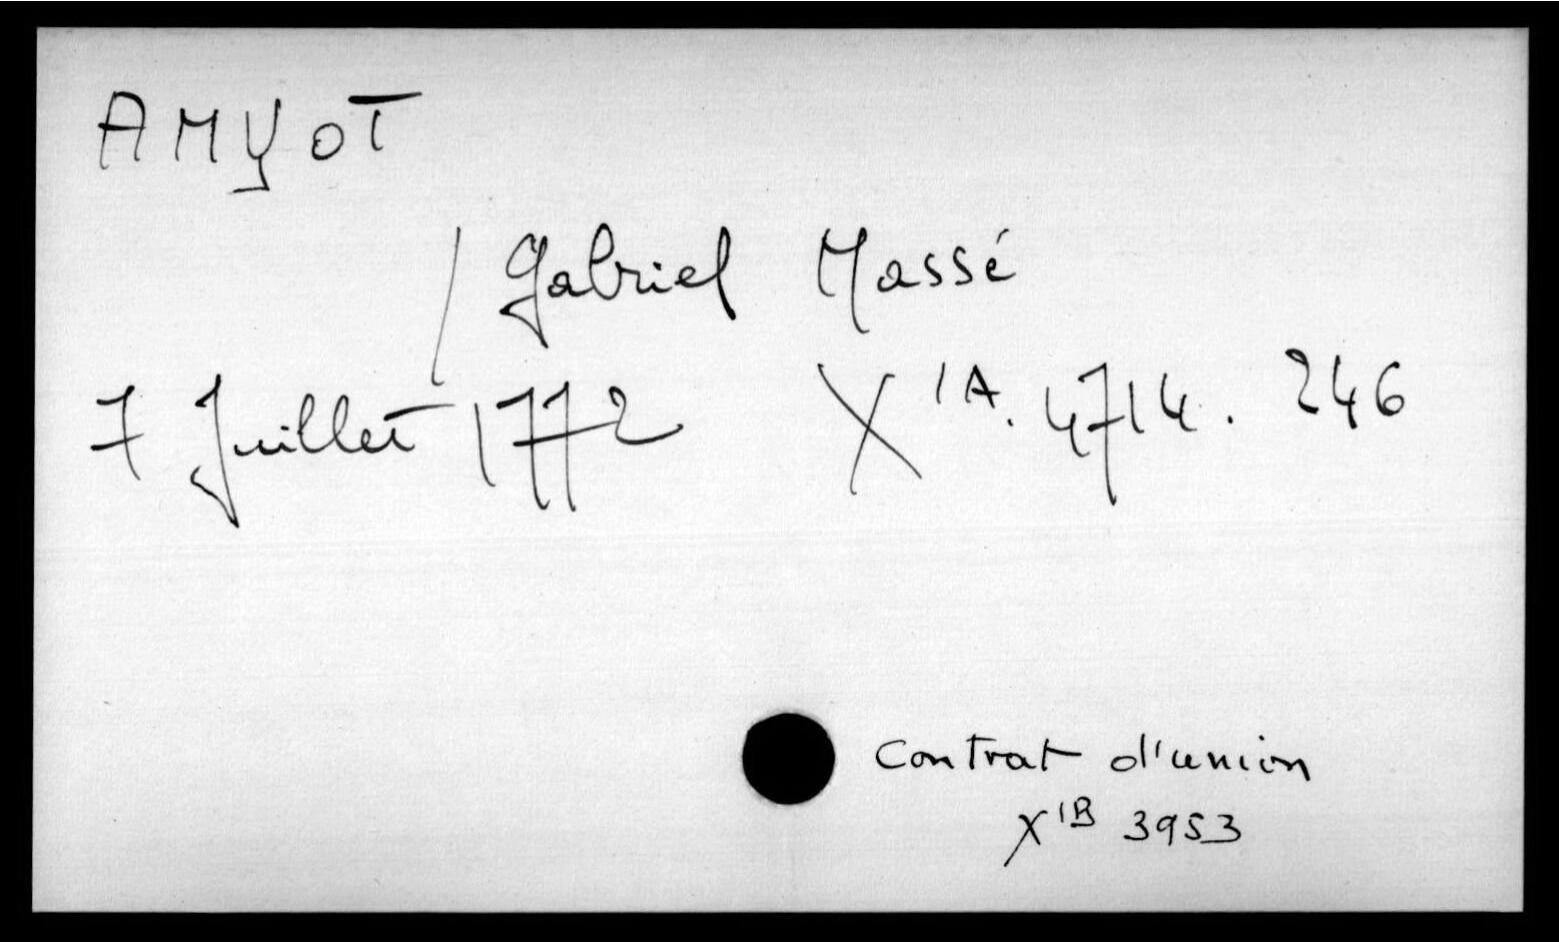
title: AMYOT
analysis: Contre Gabriel Massé Contrat d'union X1B 3953
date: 7 juillet 1772
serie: X1A
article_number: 4714
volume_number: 246
